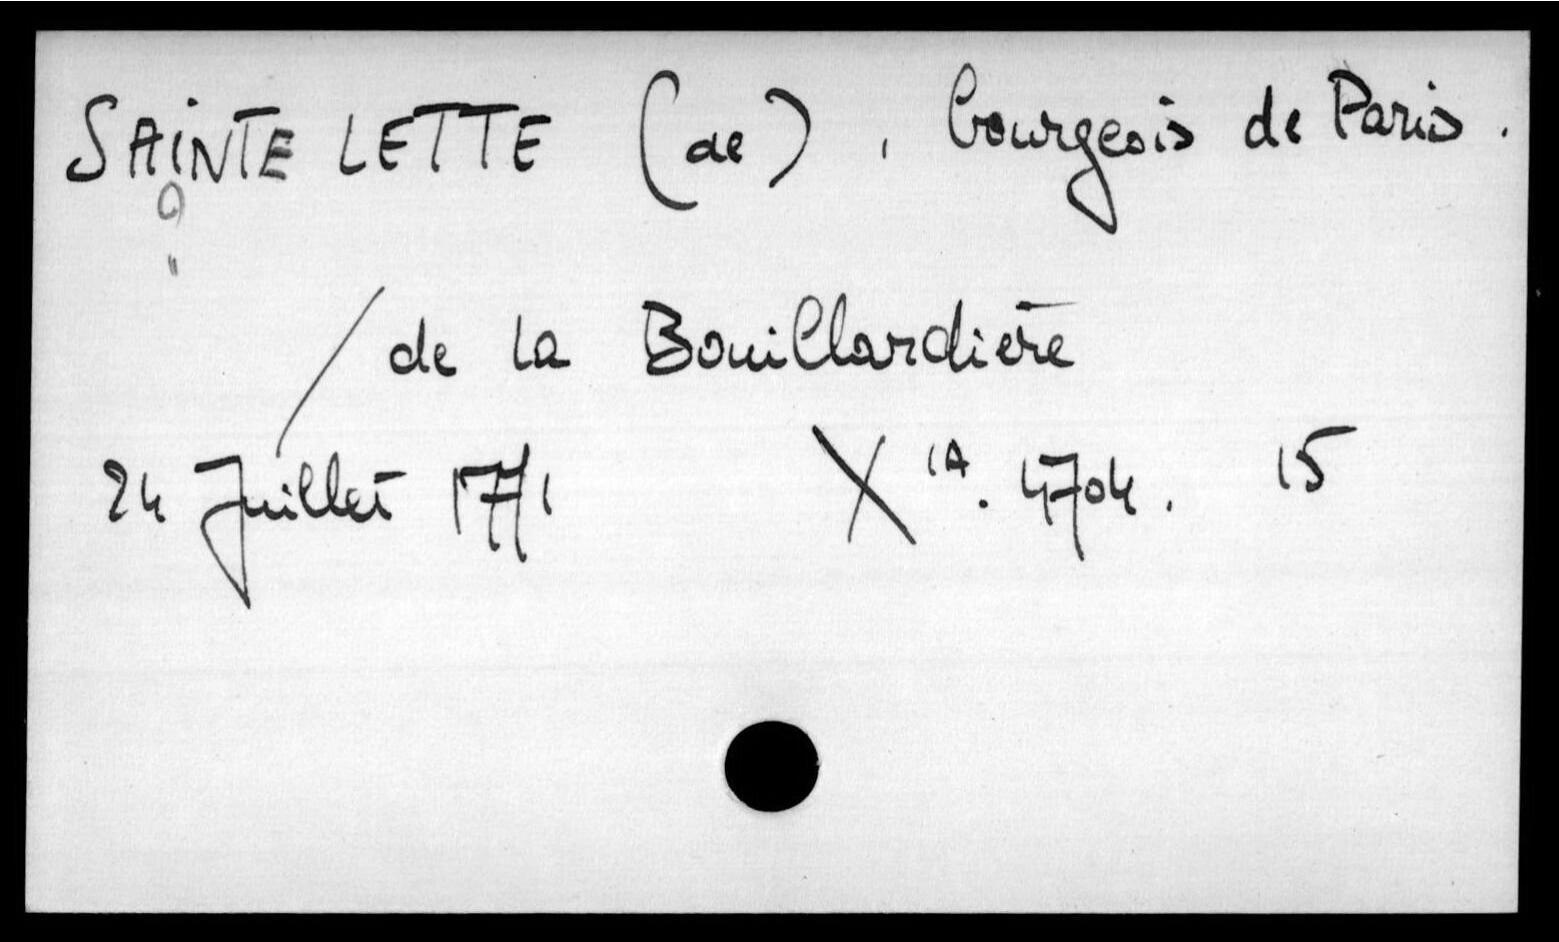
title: SAINTE LETTE (de), bourgeois de Paris.
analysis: Contre de la Bouillardière
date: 24 juillet 1771
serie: X1A
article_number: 4704
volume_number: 15
